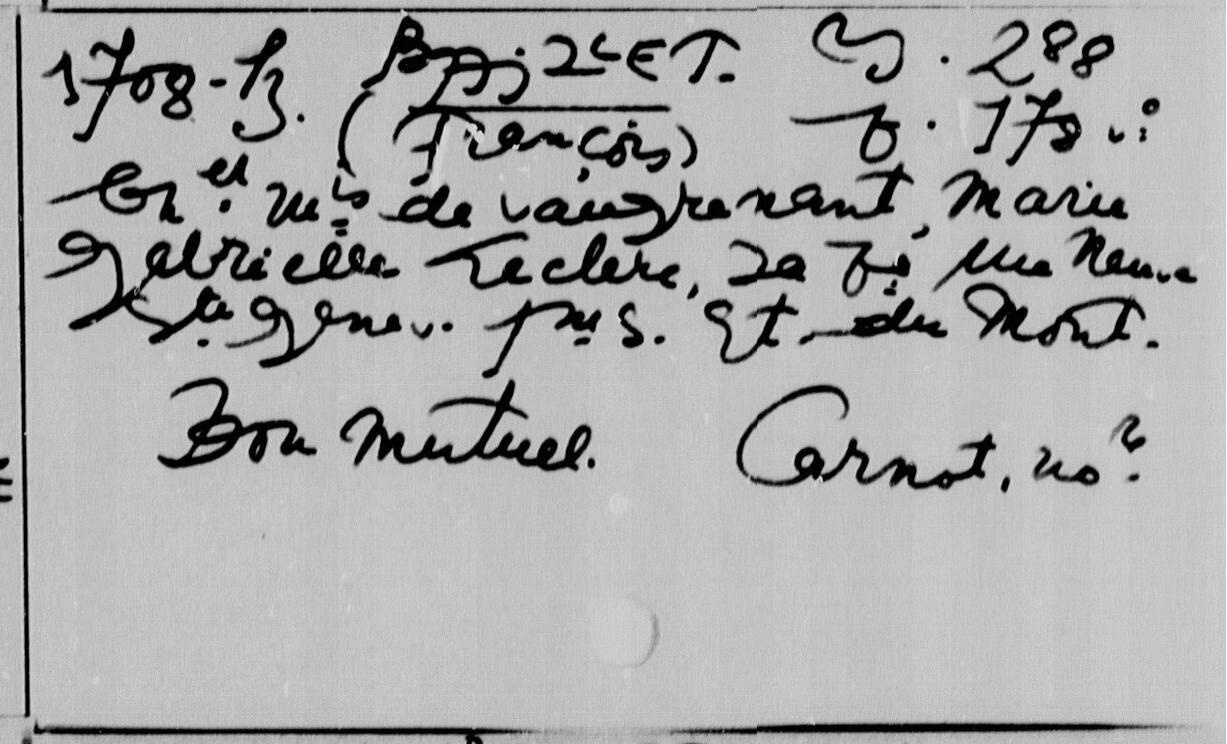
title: BAILLET (François)
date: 1708-1713
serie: Y
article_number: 288
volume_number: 178v
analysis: Chevalier, marquis de Vaugrenant, Marie Gabrielle Leclerc, sa femme, rue Neuve-Sainte-Geneviève, paroisse Saint-Étienne-du-Mont Don mutuel Carnot, notaire
